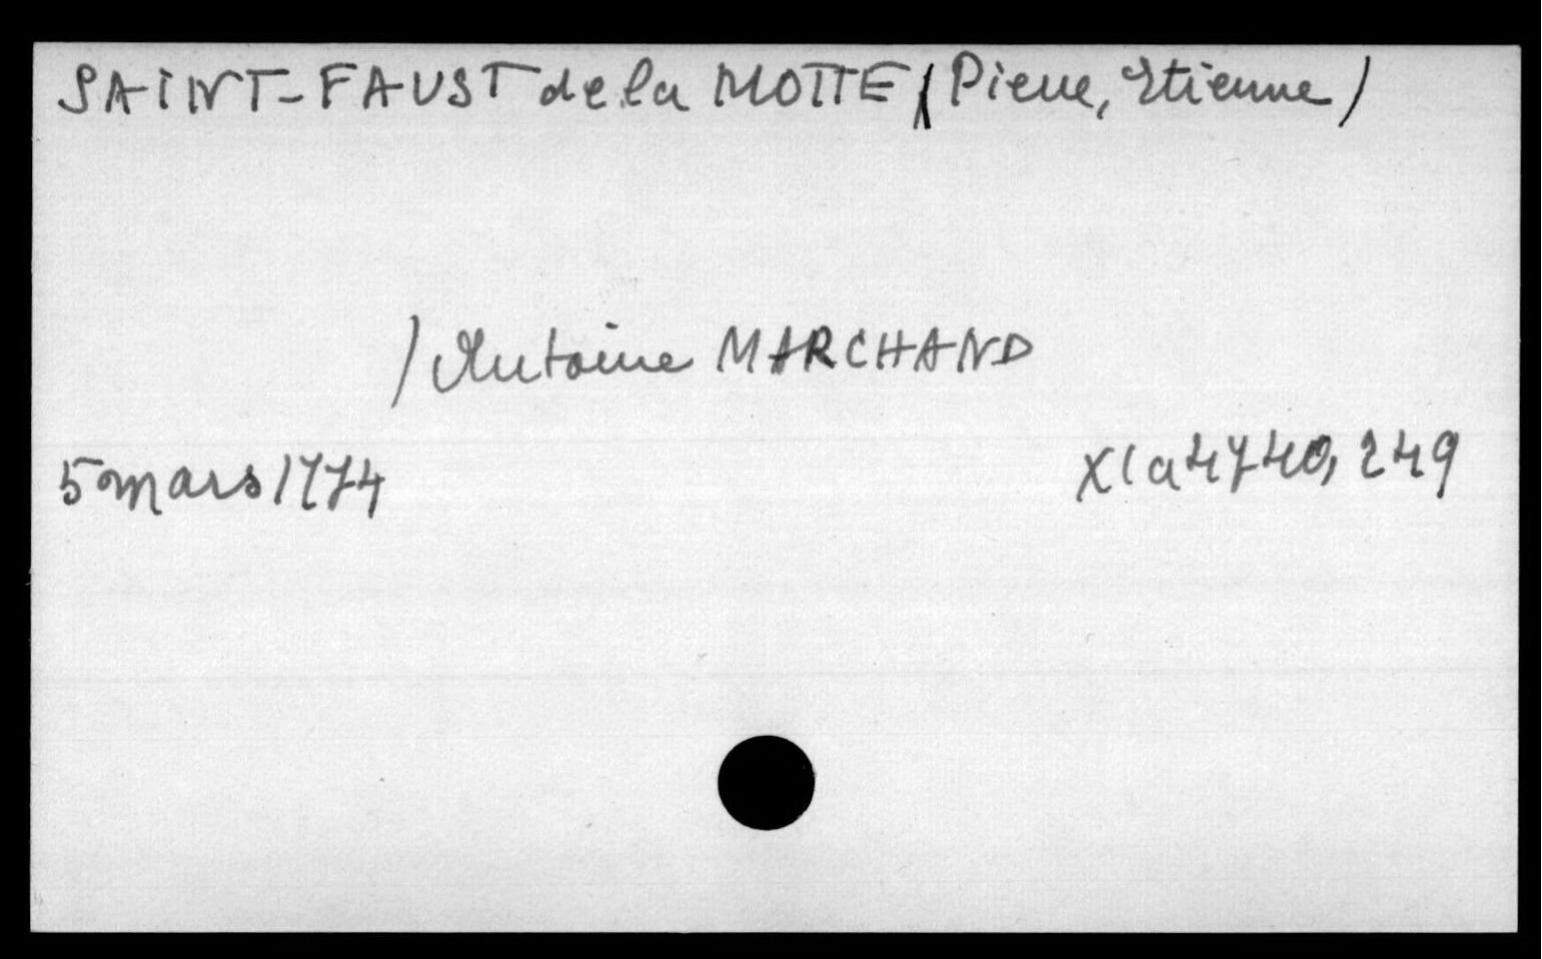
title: SAINT-FAUST de la MOTTE (Pierre, Etienne)
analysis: Contre Antoine MARCHAND
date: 5 mars 1774
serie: X1a
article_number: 4740
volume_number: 249
